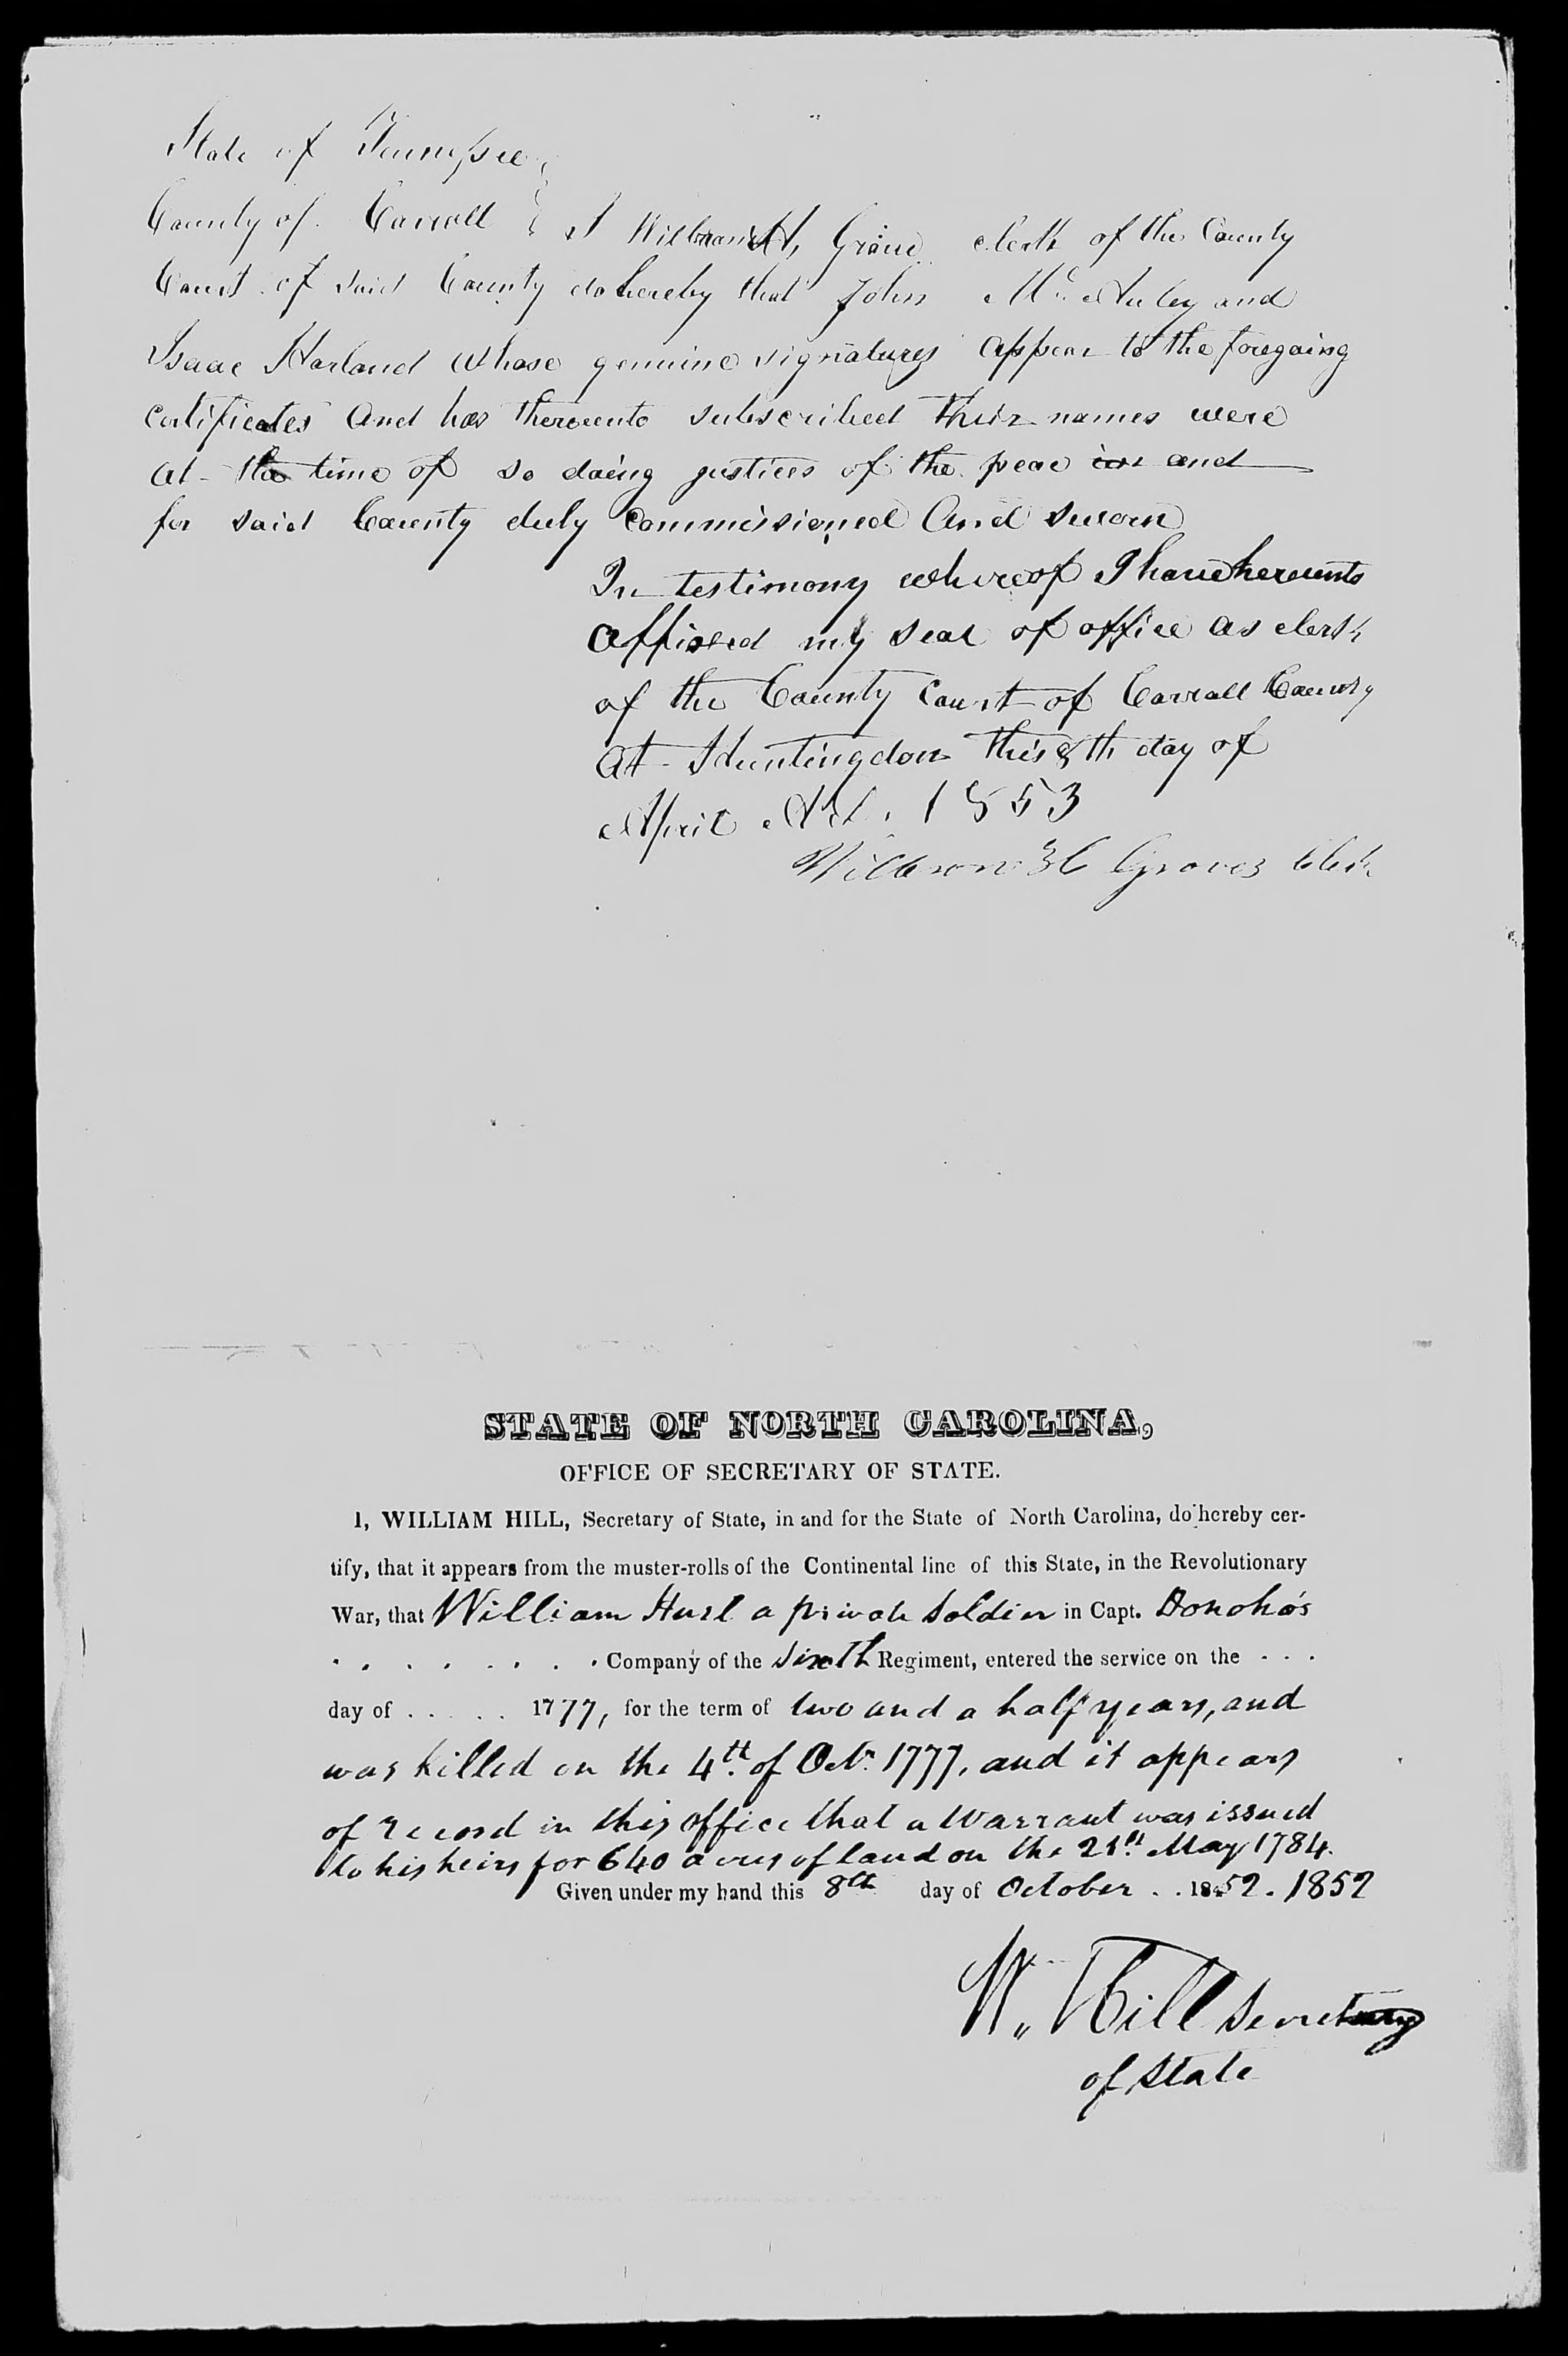[ State of Tennessee County of Carroll ] I William H Grave clerk of the County Court  of said County  do hereby certify  that John Mc Auley  and Isaac Harland whose genuine signatures appear to the foregoing certificates and  has thereunto subscribed their names were at the time of so doing Justice of the peace in and for said County duly commissioned and sworn.  In testimony whereof I  have hereunto affixed my seal of office as clerk of the County Court  of Carroll County  at  Huntingdon the 8th day of April  A.D. 1853. William H Graves ( signed ) clk STATE OF NORTH CAROLINA OFFICE OF SECRETARY OF STATE. I , WILLIAM HILL, Secretary of  State  , in and for the State of North Carolina , do hereby certify  that it appears from the muster rolls of the Continental line of this State , in the Revolutionary War, that William Hurt a private soldier  in Capt. Donoho's  Company  of the sixth Regiment , entered the service on the  __ day of __ 1777 , for the  term of  two and a half years, and was killed on the 4th of Oct. 1777 , and it appears of record in this office that a warrant was issued  to his heirs for 640 acres of land on the 25th  May 1786 .  Given under my hand this 8th day of October  1857 . Wm Hill ( signed ) Secretary of State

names: John Mc Auley; William Hurt; Isaac Harland; William Hill; Wilbron H Grave; Wilbron H Graves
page: 5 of 75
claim: rejected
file: R. 1572, for William Hurt, [Blank]